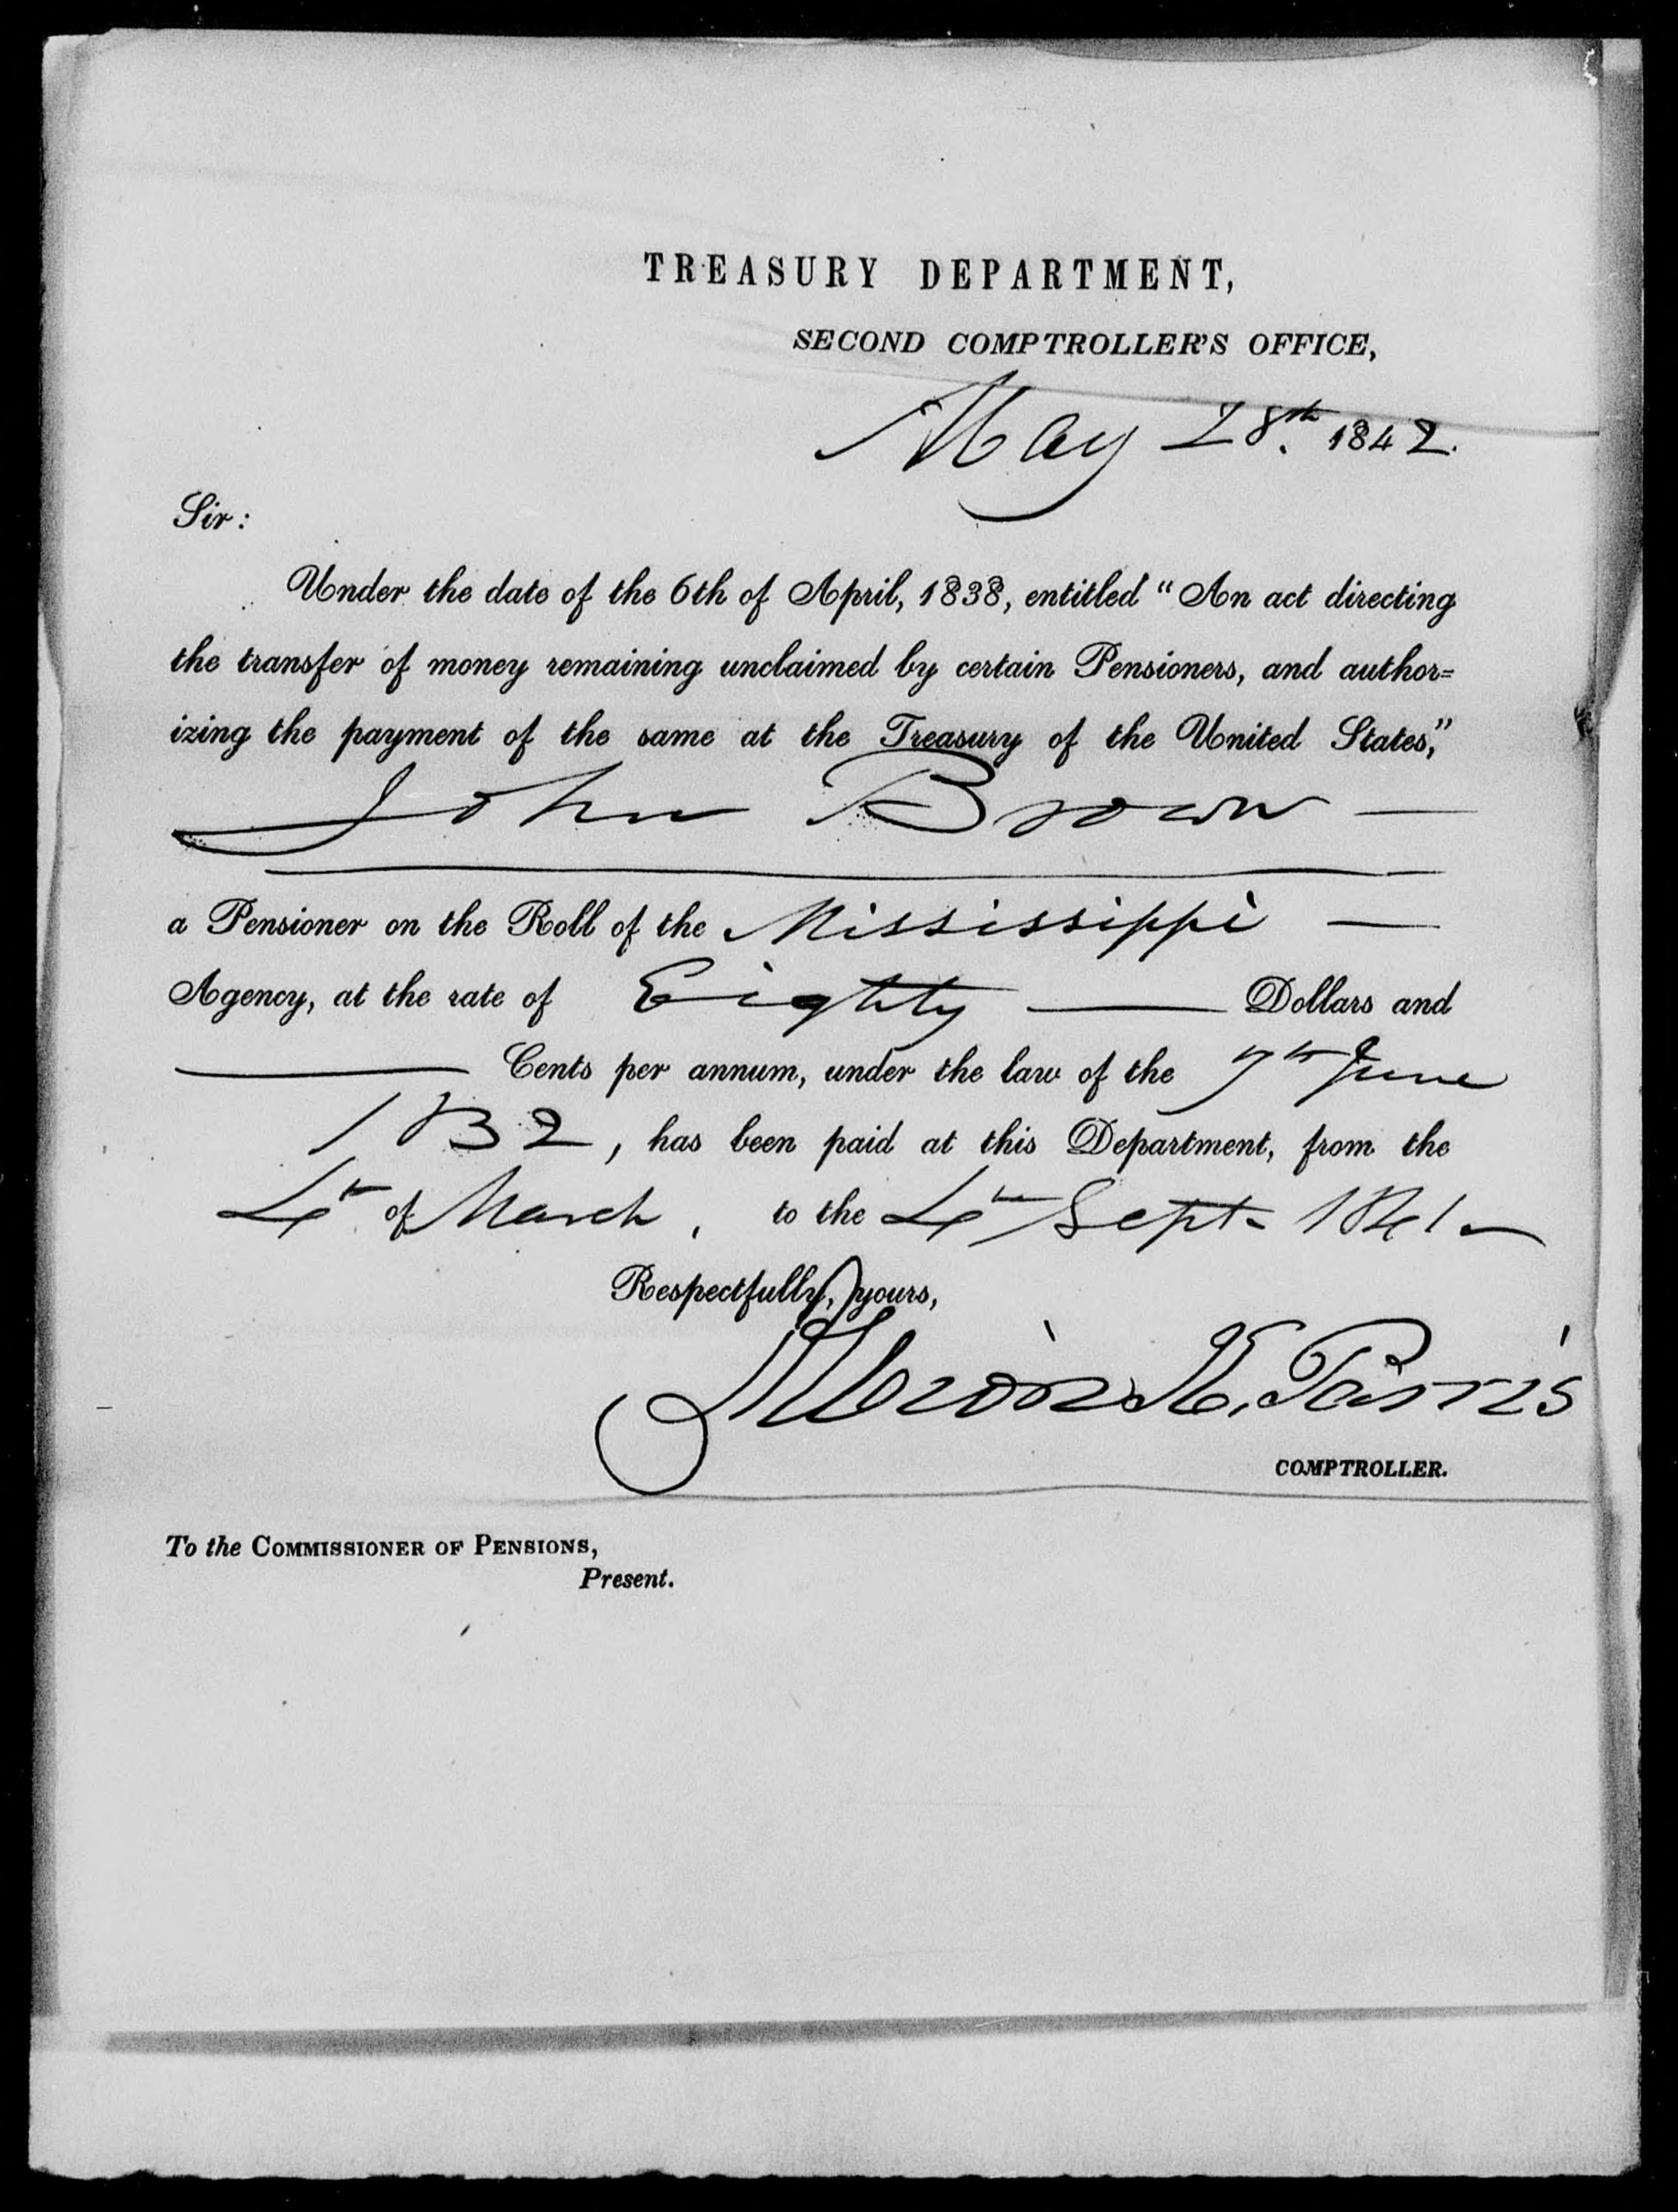TREASURY DEPARTMENT.
SECOND COMPTROLLER'S OFFICE.
May 28th 1842.
Sir:
Under the date of the 6th of April, 1838, entitled "An act directing transfer of money remaining unclaimed by certain Pensioners, and authorizing 
the payment of the same at the Treasury of the United States," - John Brown - a Pensioner on the Roll of the Mississippi - Agency, at the rate of
Eighty - Dollars and ____ Cents per annum, under the law of the 7th June 1832, has been paid at this Department, from the 4th of March to the 4th Sept 1841.
Respectfully, yours,
Albion K. Parris
Comptroller.
-----------------------------
To the Commissioner of Pensions,
Present.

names: John Brown, Albion K Parris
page: 69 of 85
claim: widow's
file: W. 5,906, John Brown, S.C.